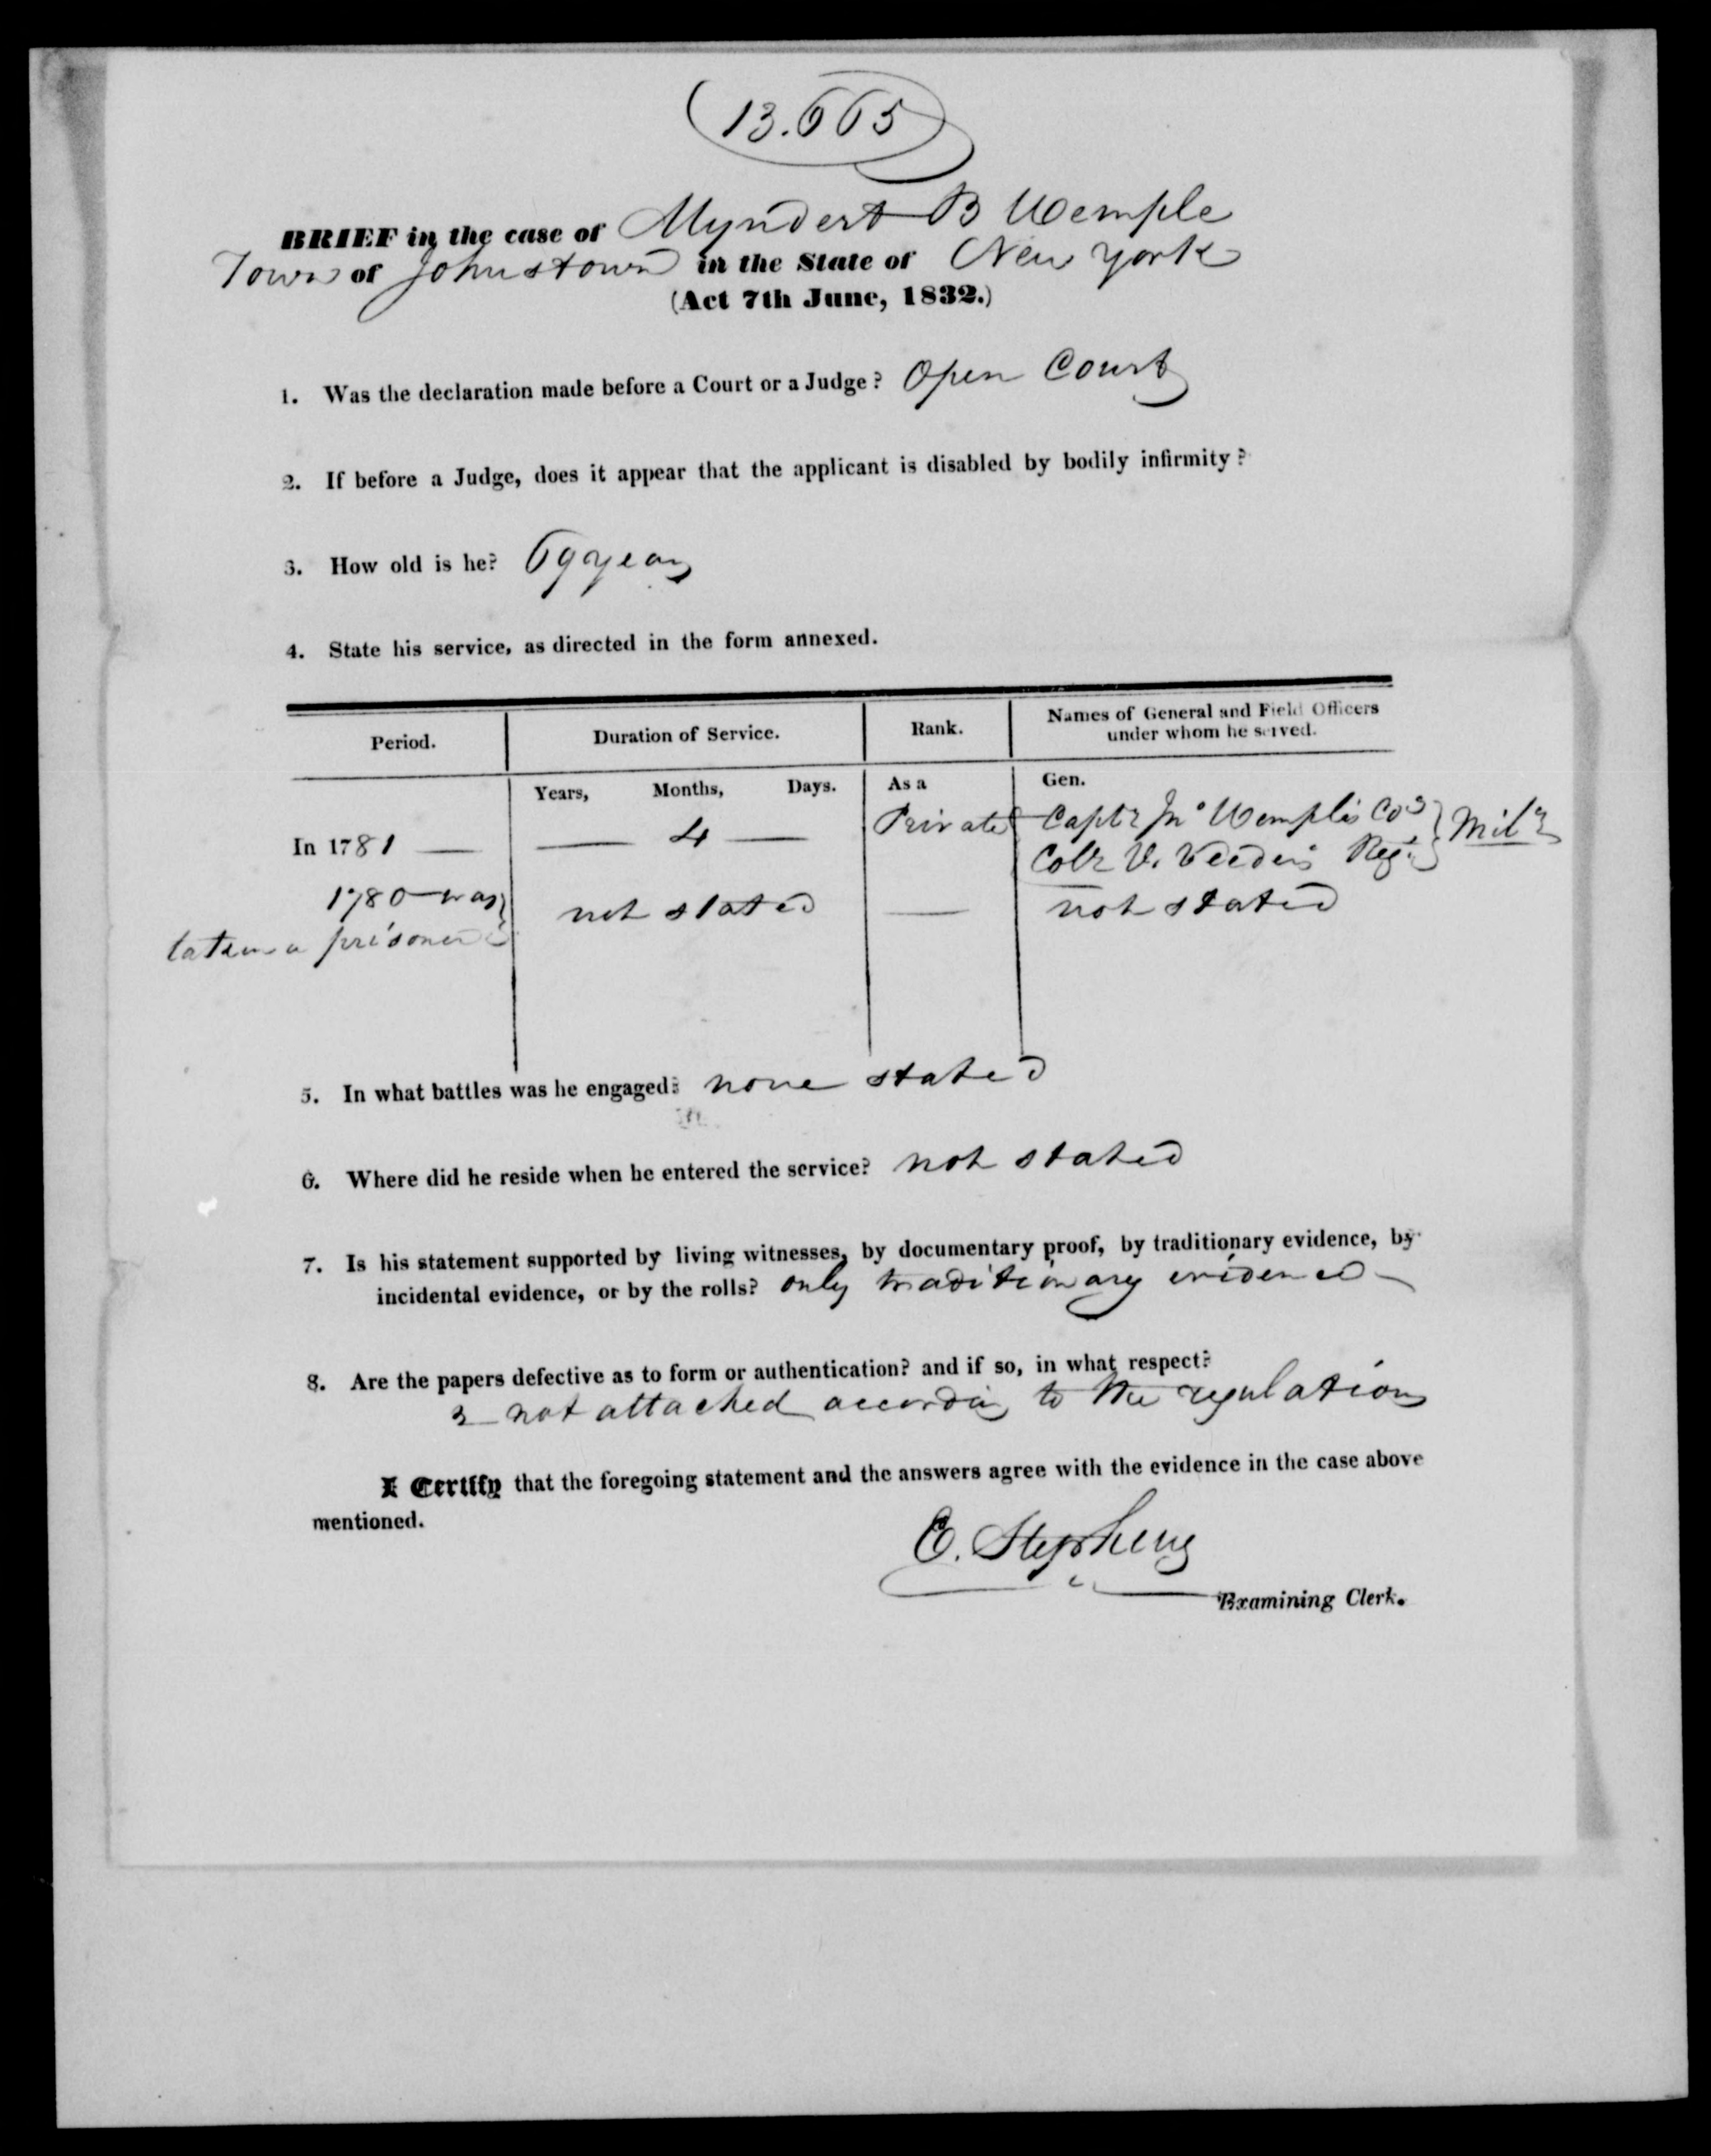(13.665)

BRIEF in the case of Myndert B Wemple
Town of Johnstown in the State of New York
(Act 7th June, 1832.)

1. Was the declaration made before a Court or a Judge? Open Court
2. If before a Judge, does it appear that the applicant is disabled by bodily infirmity?
3. How old is he? 69 year
4. State his service, as directed in the form annexed.

Period.
In 1781 --
1780 was}
taken a prisoner }

Duration of Service.
Years, months, Days.
           --4--
not stated

Rank.
As a
Private

Names of General and Field Officers
under whom he served.
Gen.
Capt Jn  Wemple,s Co3}
Col V. Veeder's Regt}        Mil]
not stated

5. In what battles was he engaged? none stated
6. Where did he reside when he entered the service? not stated
7. Is his statement supported by living witnesses, by documentary proof, by traditionary evidence, by incidental evidence, or by the rolls?  only traditionary evidence--
8. Are the papers defective as to form or authentication? and if so, in what respect?
not attached according to the regulations

I certify that the foregoing statement and the answers agree with the evidence in the case above mentioned.

E. Stephens 
Examining Clerk.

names: E Stephens, Myndert B Wemple, John Stown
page: 5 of 51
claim: widow's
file: W. 19604, Myndert B Wemple, New York